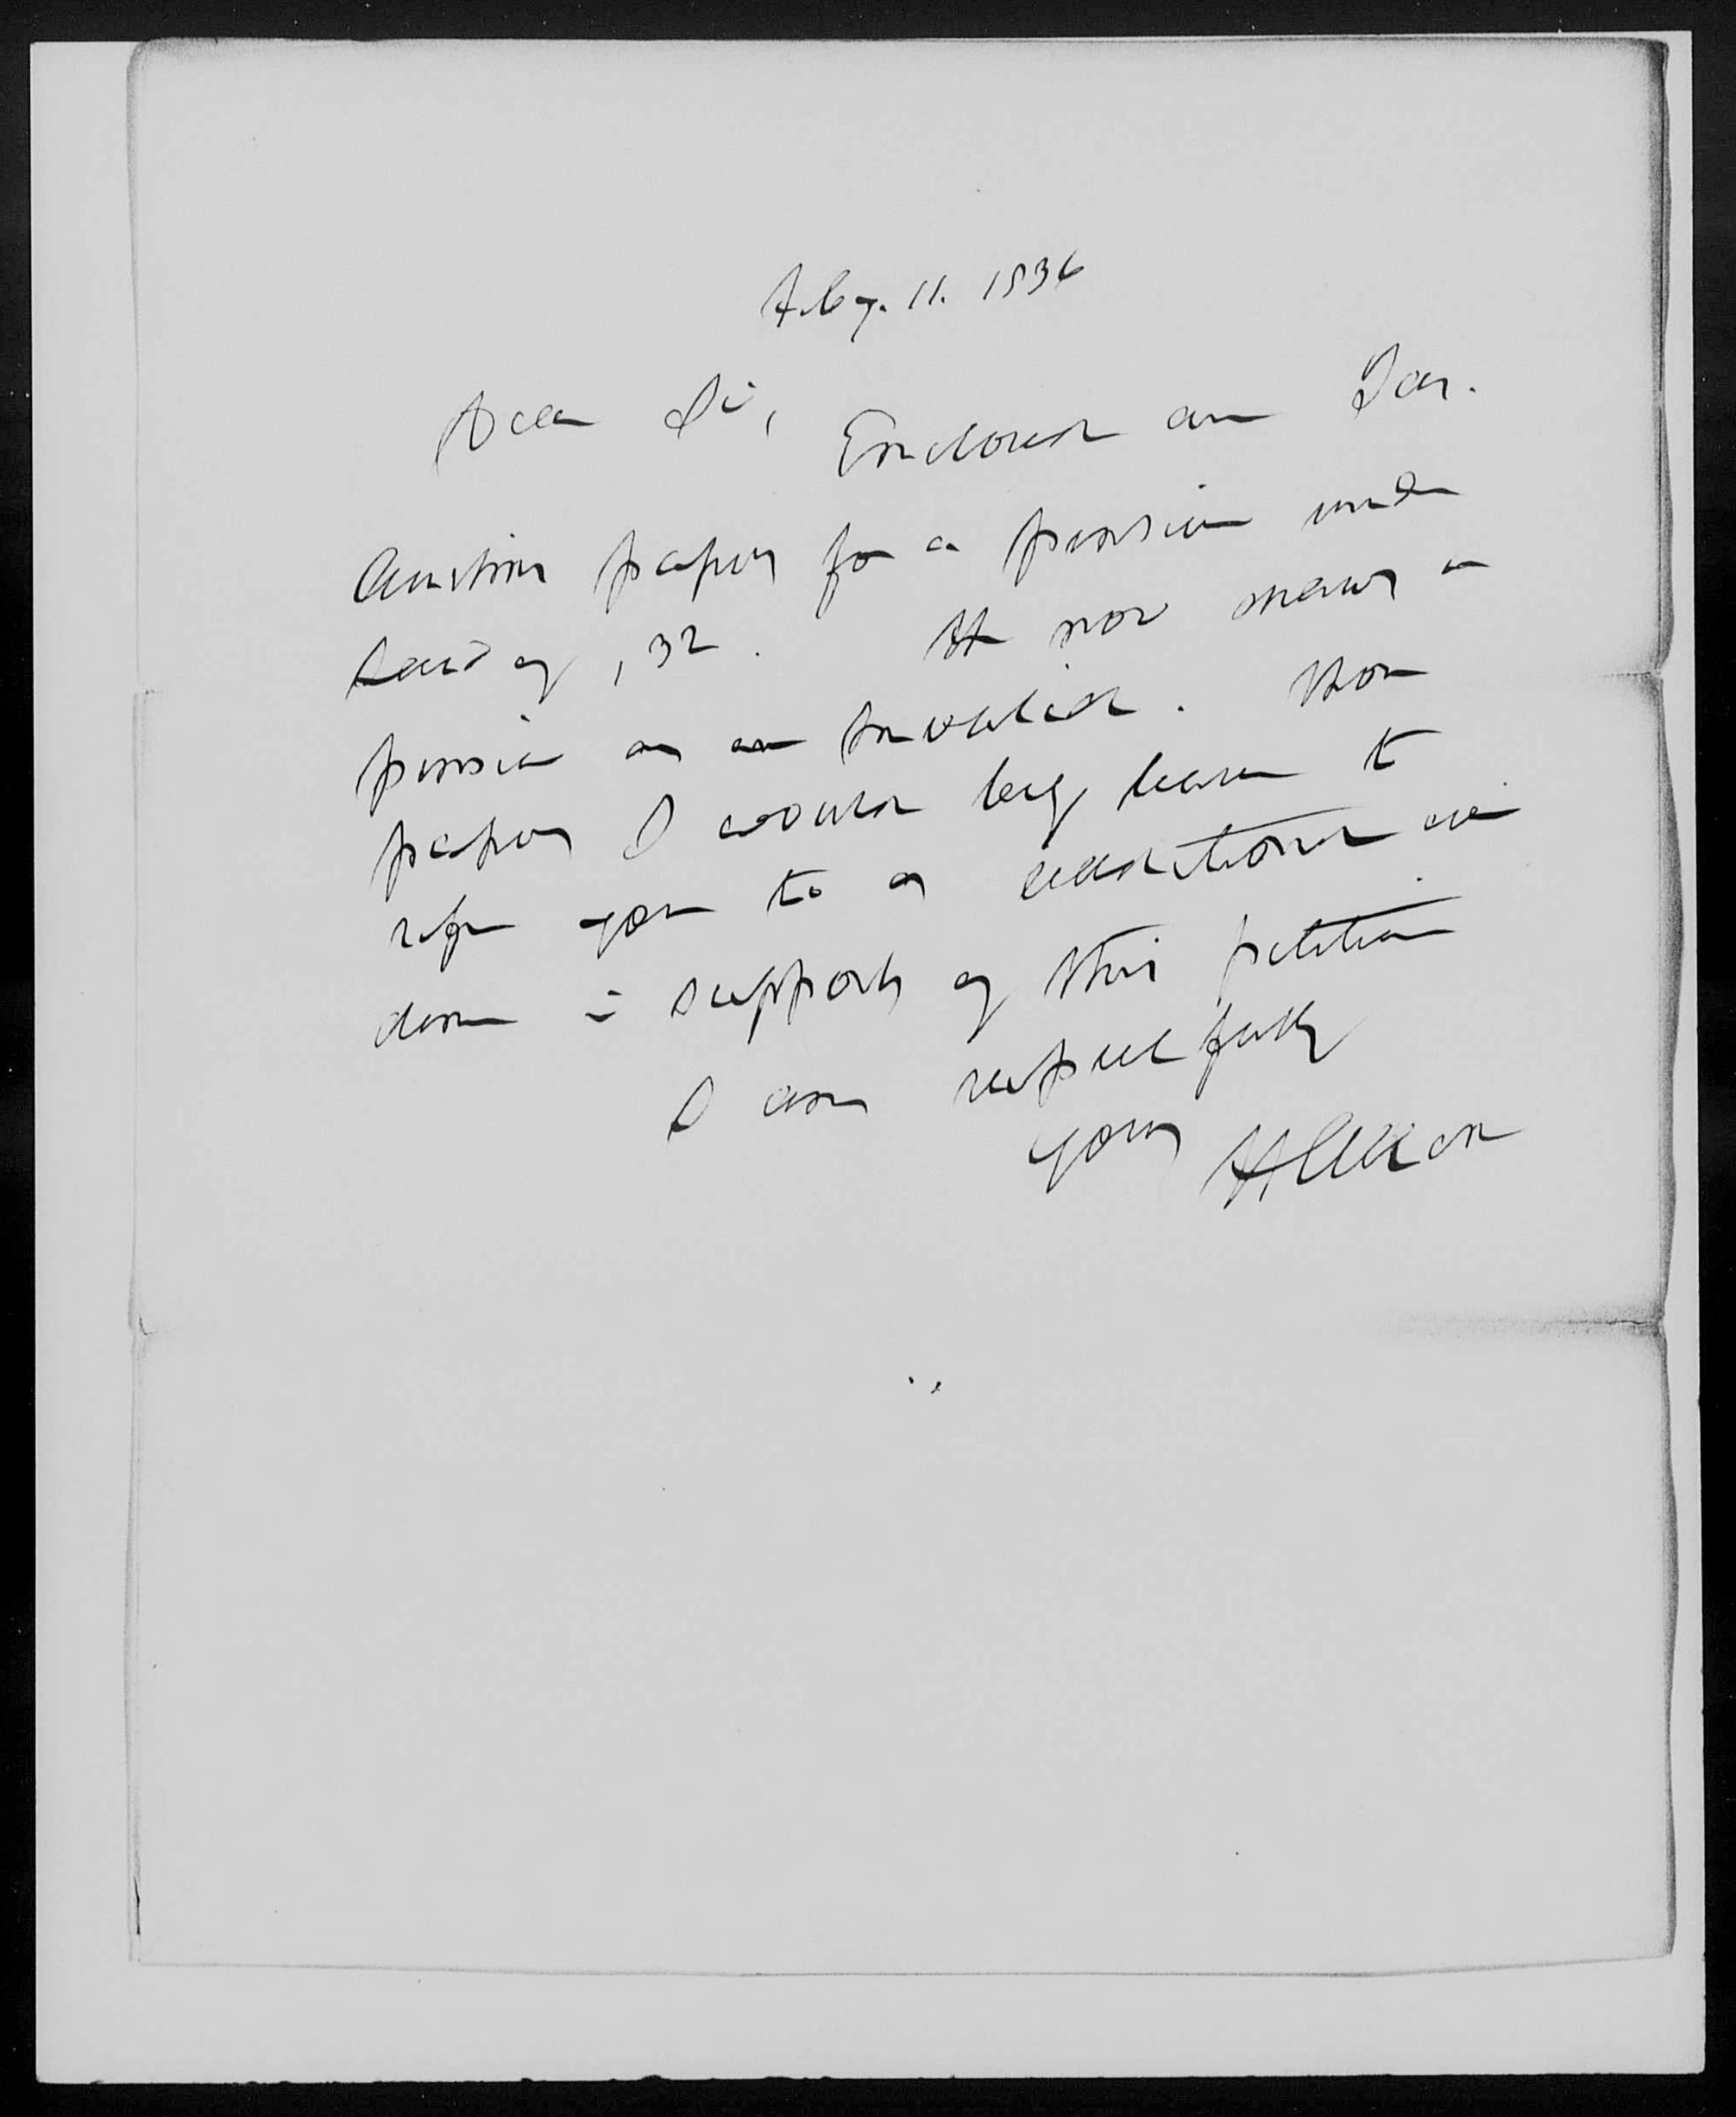Dear Sir, 
Enclosed are  Jam. Austin papers for a pension under War Act, 32. It was [illegible] in [illegible] as a soldier. Said paper I could by [illegible] refer you to a [illegible] are done in support of this petition
I am respectfully yours
Allison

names: Jas Austin, Wm Allison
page: 94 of 100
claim: survivor's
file: S 19186, James Austin, Conn. New York R.I.